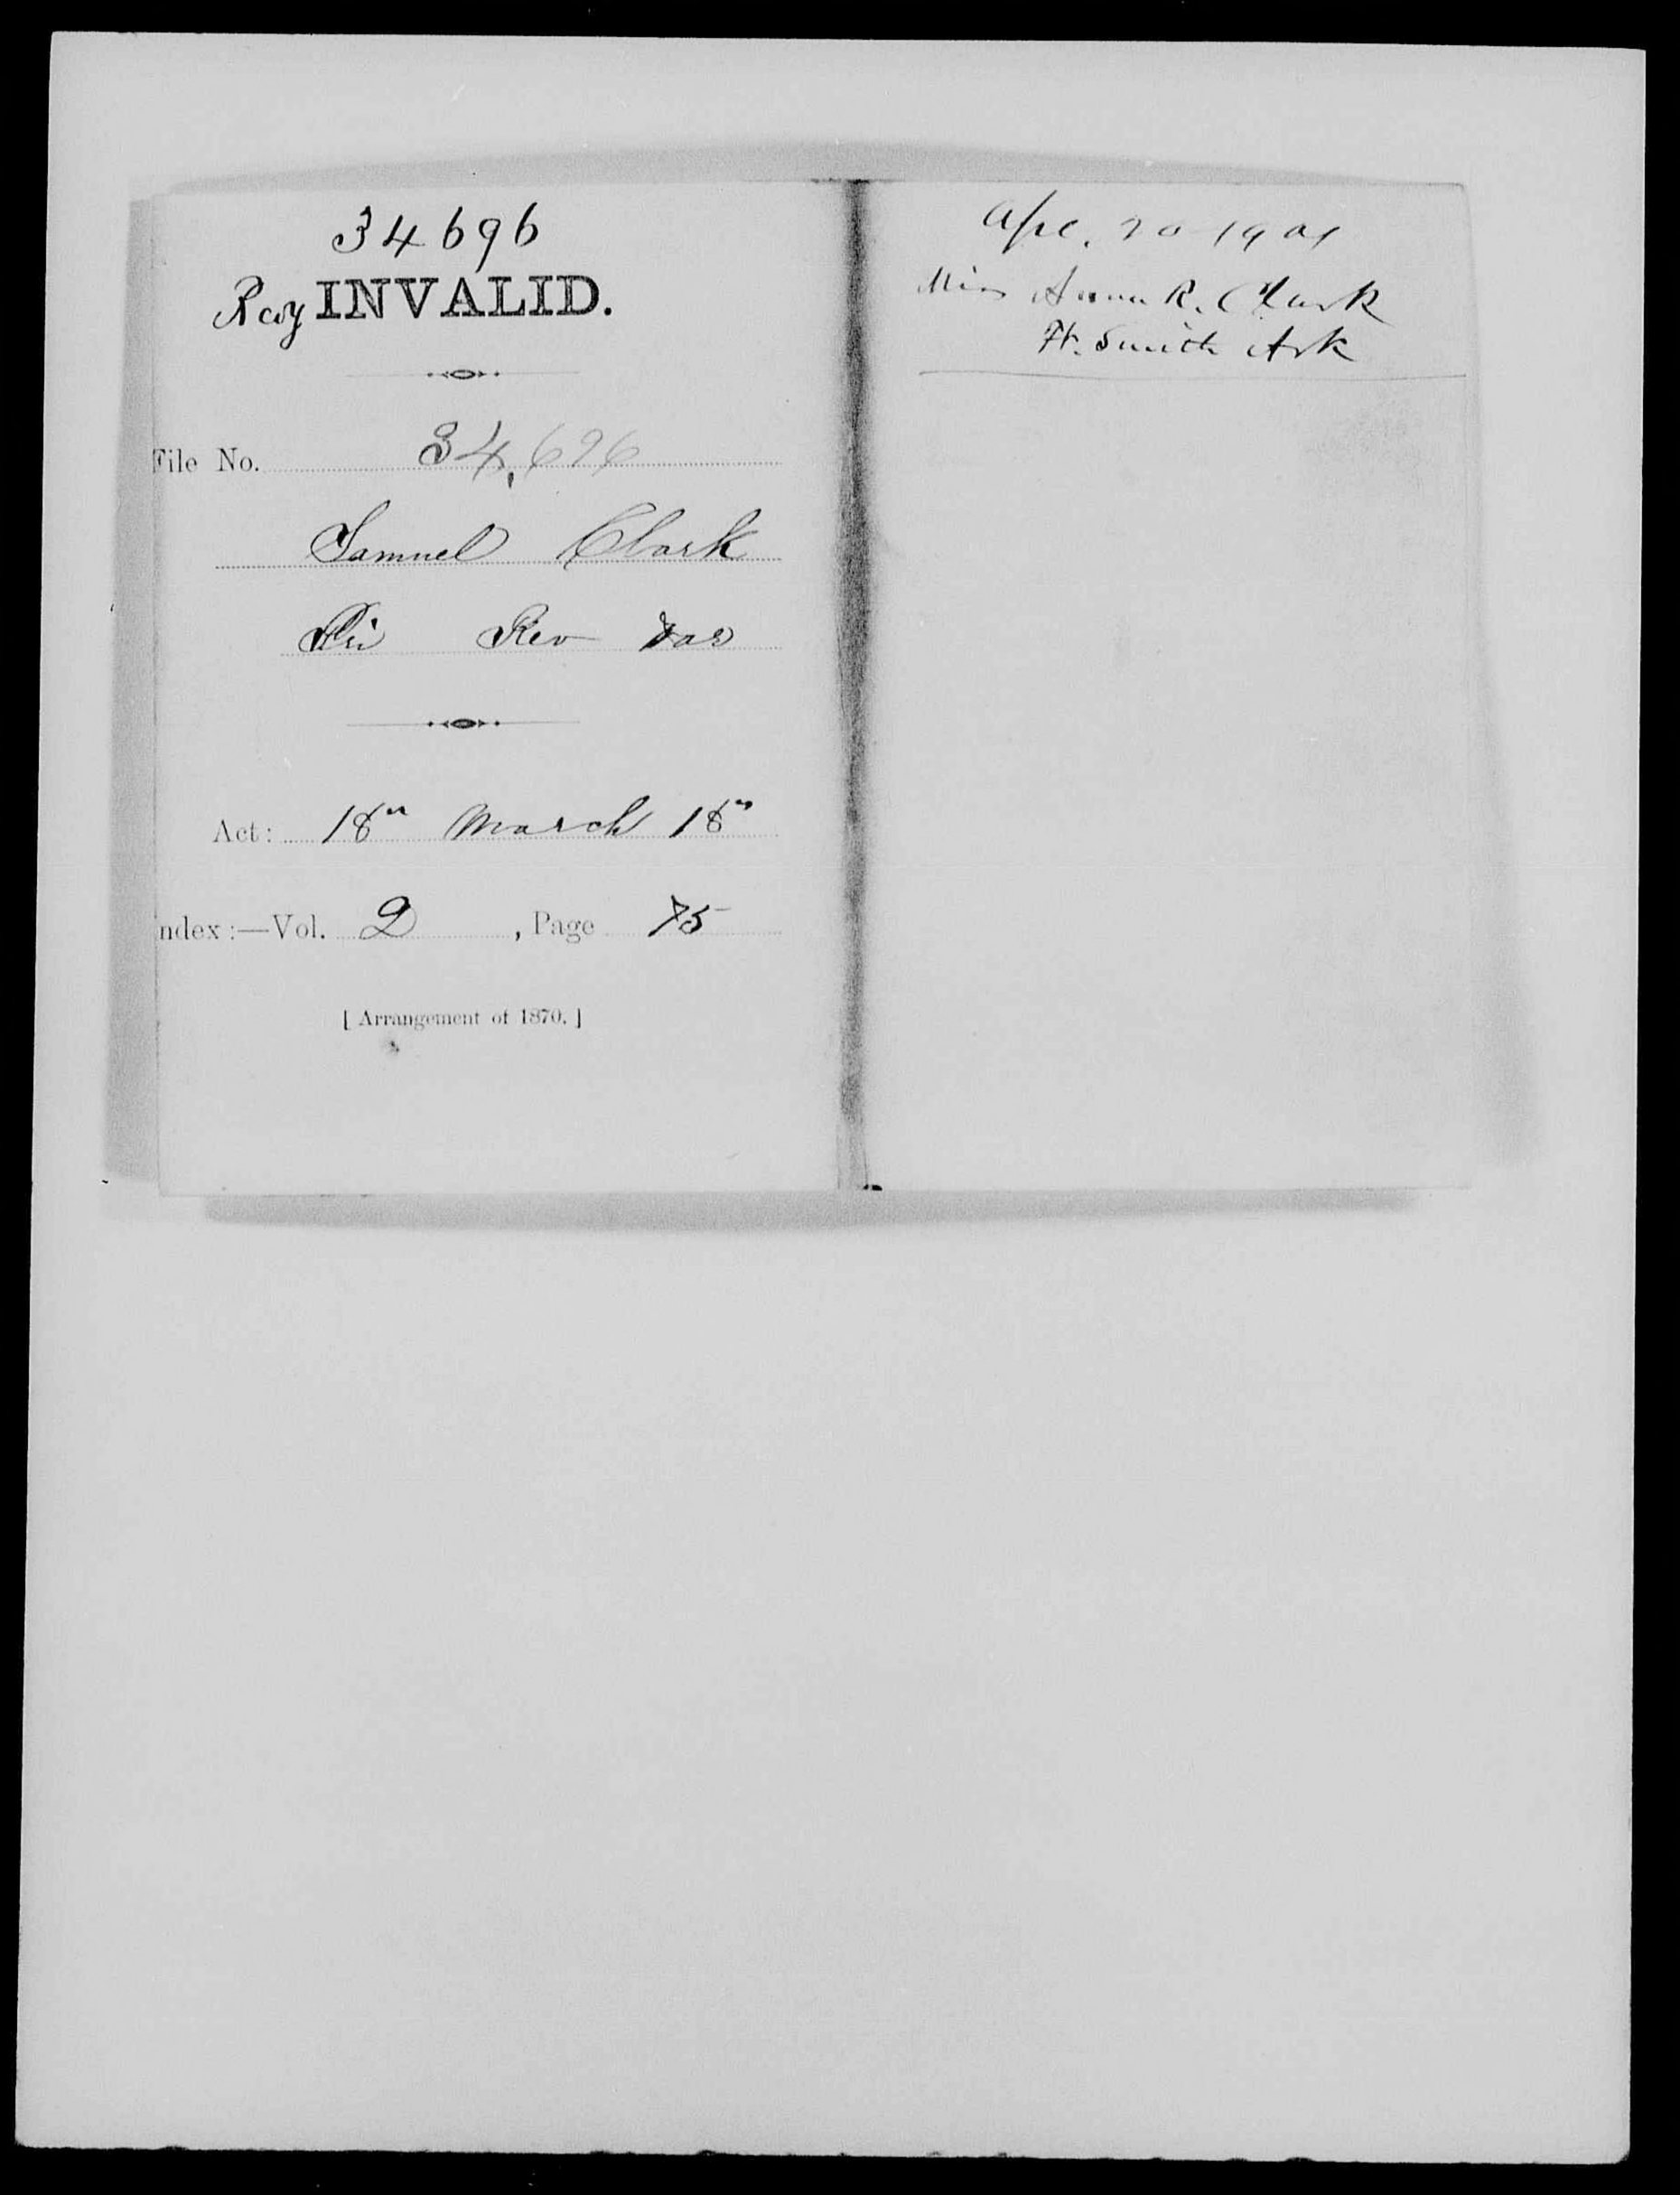[left side]
34696
Rcoy INVALID

File No. 34,696
Samuel Clark
Div Rev Dar
Act: 18th March 18th
Index: Vol. 2, Page 75

[Arrangement of 1870]

(right side)
Asse, 701901
Miss Susan R. Clark 
H. Smith Clerk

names: Sam R Clark, Samuel Clark, H Smith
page: 13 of 14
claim: survivor's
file: S. 34696, Samuel Clark, Continental Mass.